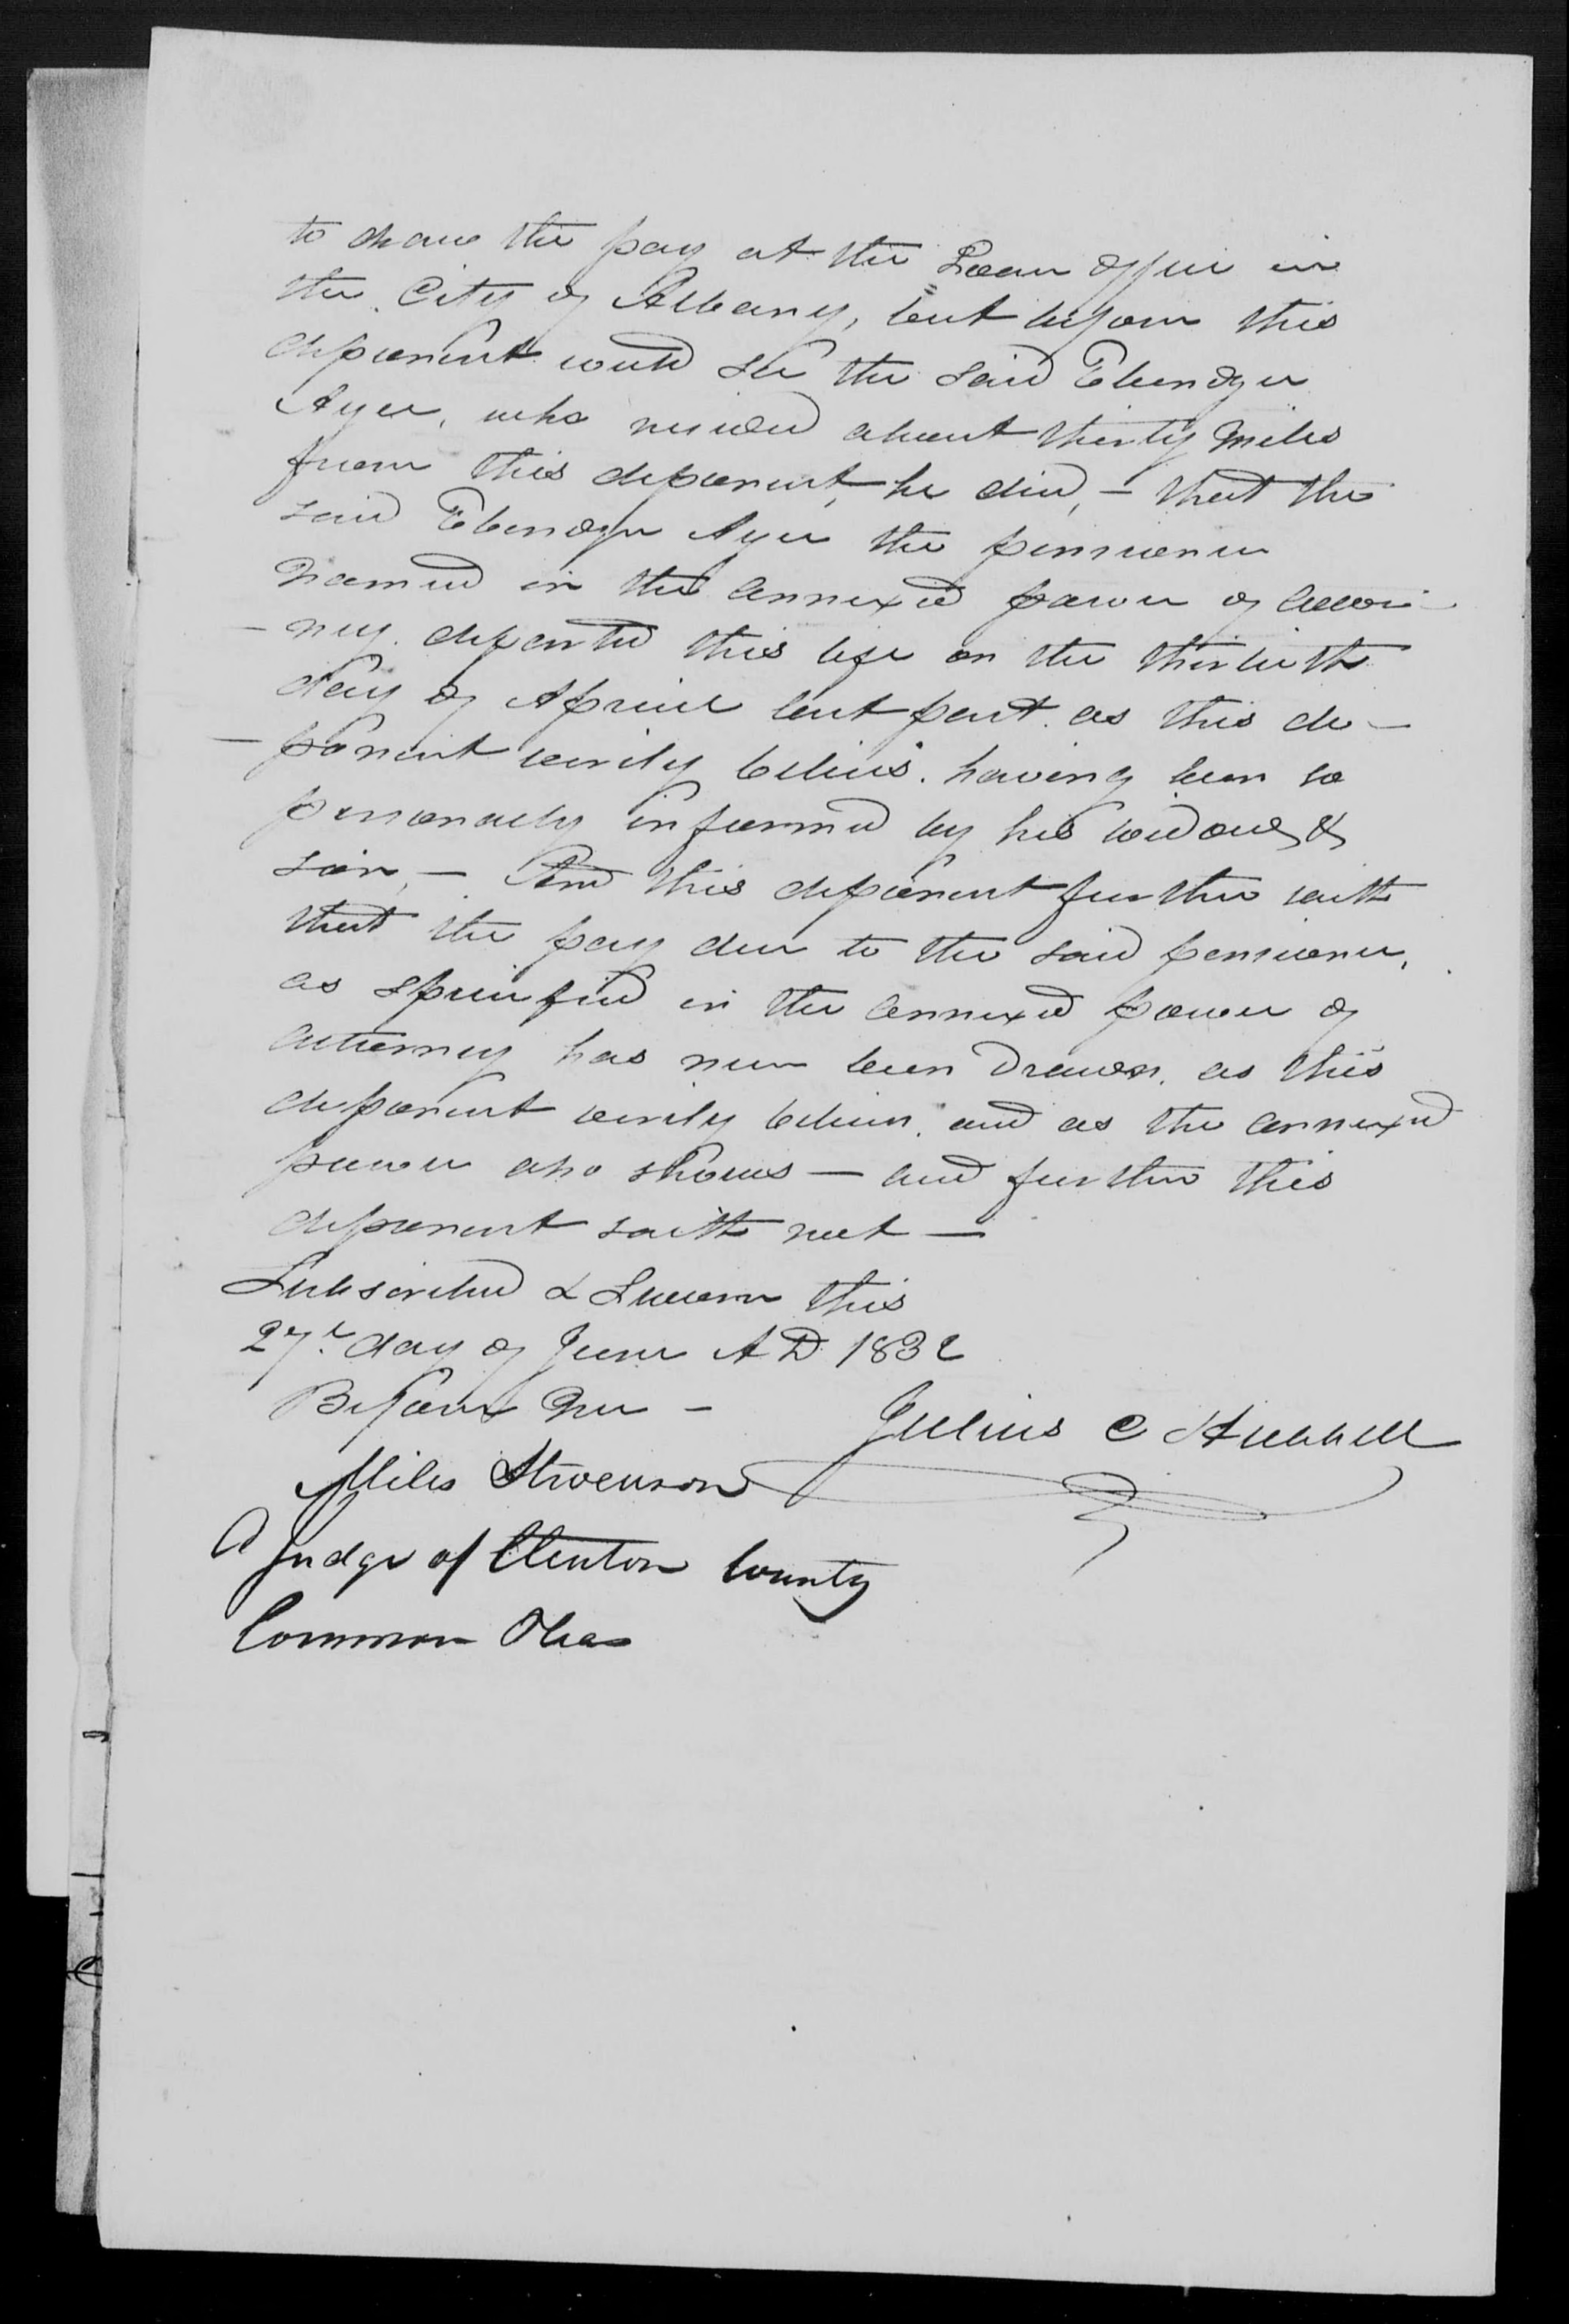to show the pay at the Loan office in the City of Albany, but before this deponent could see the said Ebenezer Ayer, who resides about thirty miles from this deponent, he died, - that the said Ebenezer Ayer the pensioner named in the annexed power of attorney departed this life on the thirtieth day of April last past, as this deponent verily believes, having been so personally informed by his widow & son, - Then this deponent further saith that the pay due to the said pensioner as specified in the annexed power of attorney has never been drawn, as this deponent verily believes, and as the annexed power also shows - and further this deponent saith not— 
Julius C Hubbell
Subscribed & Sworn this 
27th day of June AD 1832
Before me
Miles Stevenson
A Judge of Clinton County Common Pleas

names: Ebenezer Ayer, Ebenezer Ayer, Miles Stevenson, Julius C Hubbell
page: 37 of 50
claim: widow's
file: W. 8559, Ebenezer Ayer, Continental (Conn)